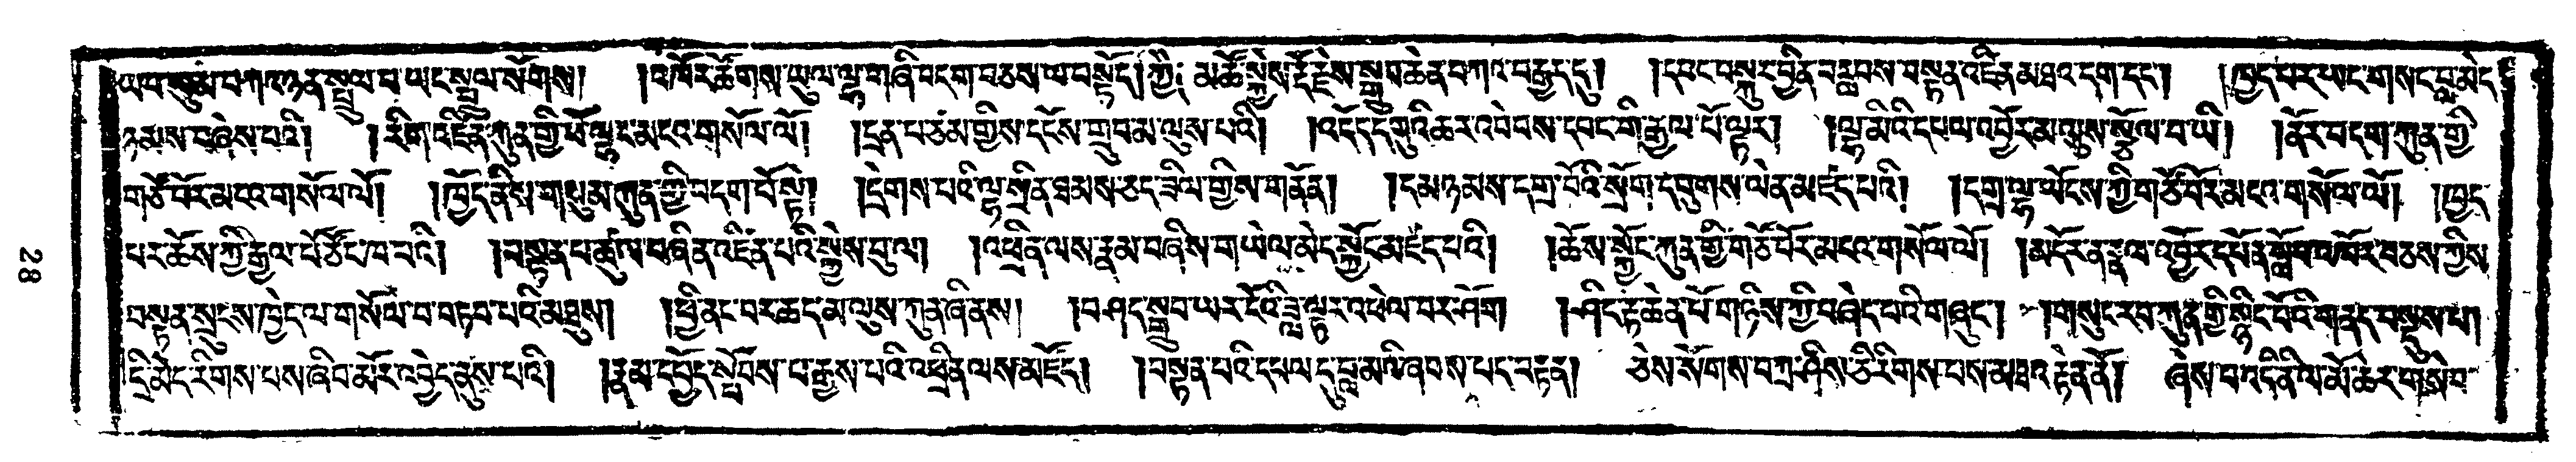ཡབ་ཡུམ་བཀའ་ཉན་སྤྲུལ་པ་ཡང་སྤྲུལ་སོགས། །འཁོར་ཚོགས་ཡུལ་ལྷ་གཞི་བདག་བཅས་ལ་བསྟོད། ཀྱཻ༑ མཚོ་སྐྱེས་རྡོ་རྗེས་སྒྲུབ་ཆེན་བཀའ་བརྒྱད་དུ། །དབང་བསྐུར་བྱིན་བརླབས་བསྟན་འཛིན་མཐའ་དག་དང་། །ཁྱད་པར་ཡང་གསང་བླ་མེད་
ཉམས་བཞེས་པའི། །རིག་འཛིན་ཀུན་གྱི་ཕོ་ལྷང་མངའ་གསོལ་ལོ། །དྲན་པ་ཙམ་གྱིས་དངོས་གྲུབ་མ་ལུས་པའི། །འདོད་དགུའི་ཆར་འབེབས་དབང་གི་རྒྱལ་པོ་ལྟར། །ལྷ་མིའི་དཔལ་འབྱོར་མ་ལུས་སྩོལ་བ་ཡི། །ནོར་བདག་ཀུན་གྱི་
གཙོ་བོར་མངའ་གསོལ་ལོ། །ཁྱོད་ནི་ས་གསུམ་ཀུན་གྱི་བདག་པོ་སྟེ། །དྲེགས་པའི་ལྷ་སྲིན་ཐམས་ཅད་ཟིལ་གྱིས་གནོན། །དམ་ཉམས་དགྲ་བོའི་སྲོག་དབུགས་ལེན་མཛད་པའི། །དགྲ་ལྷ་ཡོངས་ཀྱི་གཙོ་བོར་མངའ་གསོལ་ལོ། །ཁྱད་
པར་ཆོས་ཀྱི་རྒྱལ་པོ་ཙོང་ཁ་པའི། །བསྟན་པ་ཚུལ་བཞིན་འཛིན་པའི་སྐྱེས་བུ་ལ། །འཕྲིན་ལས་རྣམ་བཞིས་གཡེལ་མེད་སྐྱོང་མཛད་པའི། །ཆོས་སྐྱོང་ཀུན་གྱི་གཙོ་བོར་མངའ་གསོལ་ལོ། །མདོར་ན་རྣལ་འབྱོར་དཔོན་སློབ་འཁོར་བཅས་ཀྱིས་
བསྟན་སྲུངས་ཁྱེད་ལ་གསོལ་བ་བཏབ་པའི་མཐུས། །ཕྱི་ནང་བར་ཆད་མ་ལུས་ཀུན་ཞི་ནས། །བཤད་སྒྲུབ་ཡར་ངོའི་ཟླ་ལྟར་འཕེལ་བར་ཤོག །ཤིང་རྟ་ཆེན་པོ་གཉིས་ཀྱི་བཞེད་པའི་གཞུང་། །གསུང་རབ་ཀུན་གྱི་སྙིང་པོའི་གནད་བསྡུས་པ།
དྲི་མེད་རིགས་པས་ཞིབ་མོར་འབྱེད་ནུས་པའི། །རྣམ་དཔྱོད་སྤོབས་པ་རྒྱས་པའི་འཕྲིན་ལས་མཛོད། །བསྟན་པའི་དཔལ་དུ་བླ་མའི་ཞབས་པད་བརྟན། ཅེས་སོགས་བཀྲ་ཤིས་ཅི་རིགས་པས་མཐའ་རྟེན་ནོ། ཞེས་པ་འདི་ནི་ལ་མོ་ཆེར་གསེབ་